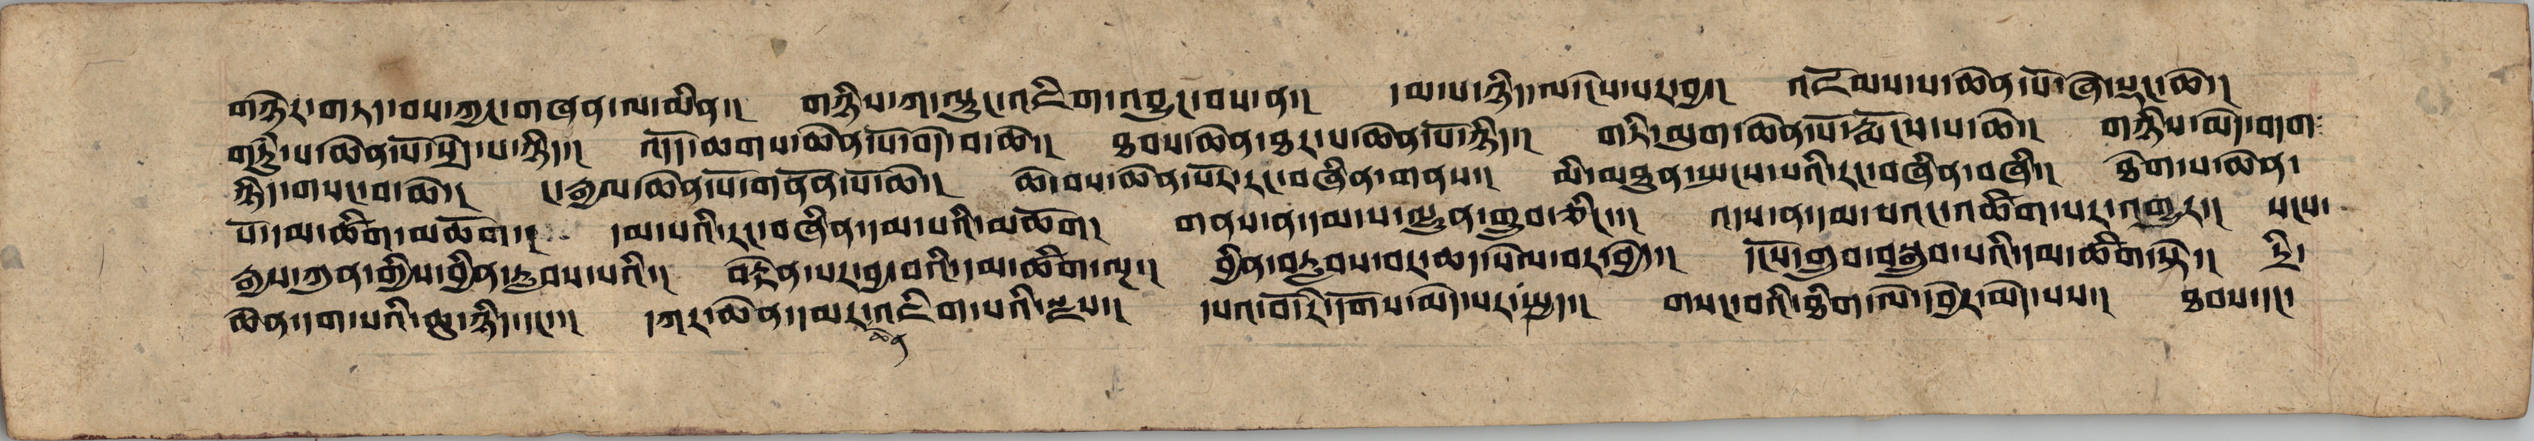གཉེར་གཏད་བས་ཀྱང་གཞན་ལ་མིན་། གཉིས་ཀ་ལྟུང་འཇིག་འབྱུང་བས་ན་། དམ་པ་ཉིད་ལ་ངེས་པར་བྱ་། འཇོམས་པ་ཆེན་པོ་ཞེ་སྡང་ཆེ་།
གཏུཾ་པ་ཆེན་པོ་སྲེད་པ་ཉིད་། འདོད་ཆགས་ཆེན་པོ་བདེ་བ་ཆེ་། ཐབས་ཆེན་ཐར་པ་ཆེན་པོ་ཉིད་། གཏི་མུག་ཆེན་པོ་རྨོངས་པ་ཆེ་། གཉིས་མེད་བདག་
ཉིད་གསང་བ་ཆེ་། ང་རྒྱལ་ཆེན་པོ་གནོན་པོ་ཆེ་། ཆེ་བས་ཆེན་པོར་རང་བཞིན་གནས་། མི་མཐུན་སྤངས་པའི་རང་བཞིན་བཞི་། ཐེག་པ་ཆེན་
པོ་དམ་ཚིག་མཆོག་། དམ་པའི་རང་བཞིན་དམ་པའི་མཆོག། གནས་ན་དམ་པ་ལྷུན་གྲུབ་ཅིང་་། འདས་ན་དམ་པའང་འཚིག་པར་འགྱུར་། སངས་
རྒྱས་ཀུན་གྱིས་བྱིན་རླབས་པའི་། བརྟེན་པར་བྱ་བའི་དམ་ཚིག་ལྔ་། བྱིན་བརླབས་བར་ཆད་སེལ་བར་བྱེད་། དངོས་གྲུབ་བསྒྲུབ་པའི་དམ་ཚིག་སྟེ་། དྲི་
ཆེན་དག་པའི་ཆུ་ཉིད་དང་་། དཀར་ཆེན་དམར་ཆེན་འཇིག་པའི་སྫས་། དཔའ་བོ་རི་དོགས་མེད་པར་སྤྱད་། གསང་བའི་ཐིག་ལེ་དབྱེར་མེད་པས་། ཐབས་དང་